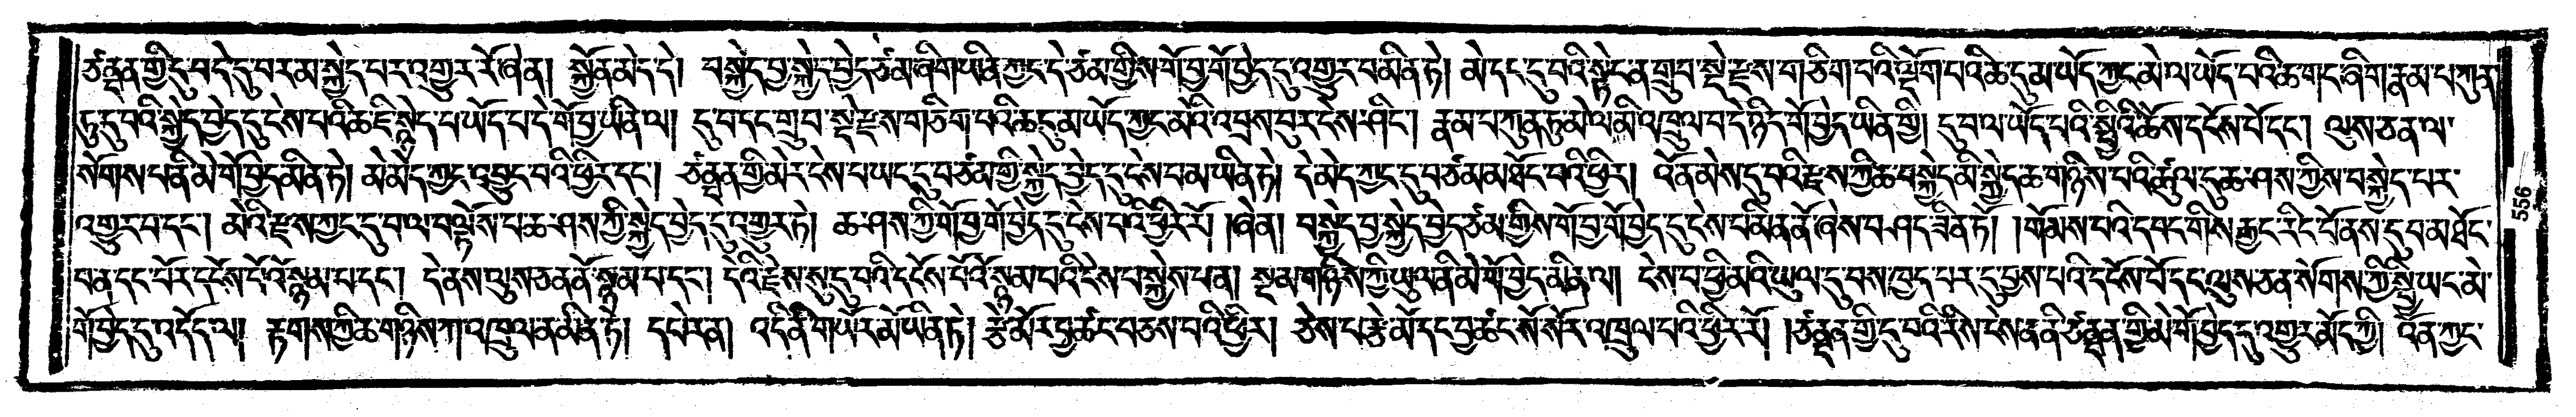ཙནྡན་གྱི་དུ་བ་དེ་དུ་བར་མ་སྐྱེད་པར་འགྱུར་རོ་ཞེ་ན། སྐྱོན་མེད་དེ། བསྐྱེད་བྱ་སྐྱེད་བྱེད་ཙམ་ཞིག་ཡིན་ཀྱང་དེ་ཙམ་གྱིས་གོ་བྱ་གོ་བྱེད་དུ་འགྱུར་བ་མིན་ཏེ། མེ་དང་དུ་བའི་སྟེང་ན་གྲུབ་སྡེ་རྫས་གཅིག་པའི་ལྡོག་པའི་ཆ་དུ་མ་ཡོད་ཀྱང་མེ་ལ་ཡོད་པའི་ཆ་གང་ཞིག་རྣམ་པ་ཀུན་
ཏུ་དུ་བའི་སྐྱེད་བྱེད་དུ་ངེས་པའི་ཆ་ཇི་སྙེད་པ་ཡོད་པ་དེ་གོ་བྱ་ཡིན་ལ། དུ་བ་དང་གྲུབ་སྡེ་རྫས་གཅིག་པའི་ཆ་དུ་མ་ཡོད་ཀྱང་མེའི་འབྲས་བུར་ངེས་ཤིང་། རྣམ་པ་ཀུན་ཏུ་མེ་ལ་མི་འཁྲུལ་བ་དེ་ཉིད་གོ་བྱེད་ཡིན་གྱི། དུ་བ་ལ་ཡོད་པའི་སྤྱིའི་ཆོས་དངོས་པོ་དང་། ལུས་ཅན་ལ་
སོགས་པ་ནི་མེ་གོ་བྱེད་མིན་ཏེ། མེ་མེད་ཀྱང་འབྱུང་བའི་ཕྱིར་དང་། ཙནྡན་གྱི་མེར་ངེས་པ་ཡང་དུ་བ་ཙམ་གྱི་སྐྱེད་བྱེད་དུ་ངེས་པ་མ་ཡིན་ཏེ། དེ་མེད་ཀྱང་དུ་བ་ཙམ་མཐོང་བའི་ཕྱིར། འོ་ན་མེས་དུ་བའི་རྫས་ཀྱི་ཆ་བསྐྱེད་མི་སྐྱེད་ཆ་གཉིས་པའི་ཚུལ་དུ་ཆ་ཤས་ཀྱིས་བསྐྱེད་པར་
འགྱུར་བ་དང་། མེའི་རྫས་ཀྱང་དུ་བ་ལ་བལྟོས་པ་ཆ་ཤས་ཀྱི་སྐྱེད་བྱེད་དུ་འགྱུར་ཏེ། ཆ་ཤས་ཀྱི་གོ་བྱ་གོ་བྱེད་དུ་ངེས་པའི་ཕྱིར་རོ། །ཞེ་ན། བསྐྱེད་བྱ་སྐྱེད་བྱེད་ཙམ་གྱིས་གོ་བྱ་གོ་བྱེད་དུ་ངེས་པ་མིན་ནོ་ཞེས་བཤད་ཟིན་ཏོ། །གོམས་པའི་དབང་གིས་རྒྱང་རིང་པོ་ནས་དུ་བ་མཐོང་
བ་ན་དང་པོར་དངོས་པོའོ་སྙམ་པ་དང་། དེ་ནས་ལུས་ཅན་ནོ་སྙམ་པ་དང་། དེའི་རྗེས་སུ་དུ་བའི་དངོས་པོའོ་སྙམ་པའི་ངེས་པ་སྐྱེས་པ་ན། སྔ་མ་གཉིས་ཀྱི་ཡུལ་ནི་མེ་གོ་བྱེད་མིན་ལ། ངེས་པ་ཕྱི་མའི་ཡུལ་དུ་བས་ཁྱད་པར་དུ་བྱས་པའི་དངོས་པོ་དང་ལུས་ཅན་སོགས་ཀྱི་སྤྱི་ཡང་མེ་
གོ་བྱེད་དུ་འདོད་ལ། རྟགས་ཀྱི་ཆ་གཉིས་ཀ་འཁྲུལ་ན་མིན་ཏེ། དཔེར་ན། འདི་ནི་གཡོར་མོ་ཡིན་ཏེ། རྩེ་མོར་བྱ་ཚང་བཅས་པའི་ཕྱིར། ཅེས་པ་རྩེ་མོ་དང་བྱ་ཚང་སོ་སོར་འཁྲུལ་པའི་ཕྱིར་རོ། །ཙནྡན་གྱི་དུ་བའི་རིས་ངེས་ན་ནི་ཙནྡན་གྱི་མེ་གོ་བྱེད་དུ་འགྱུར་མོད་ཀྱི། འོན་ཀྱང་